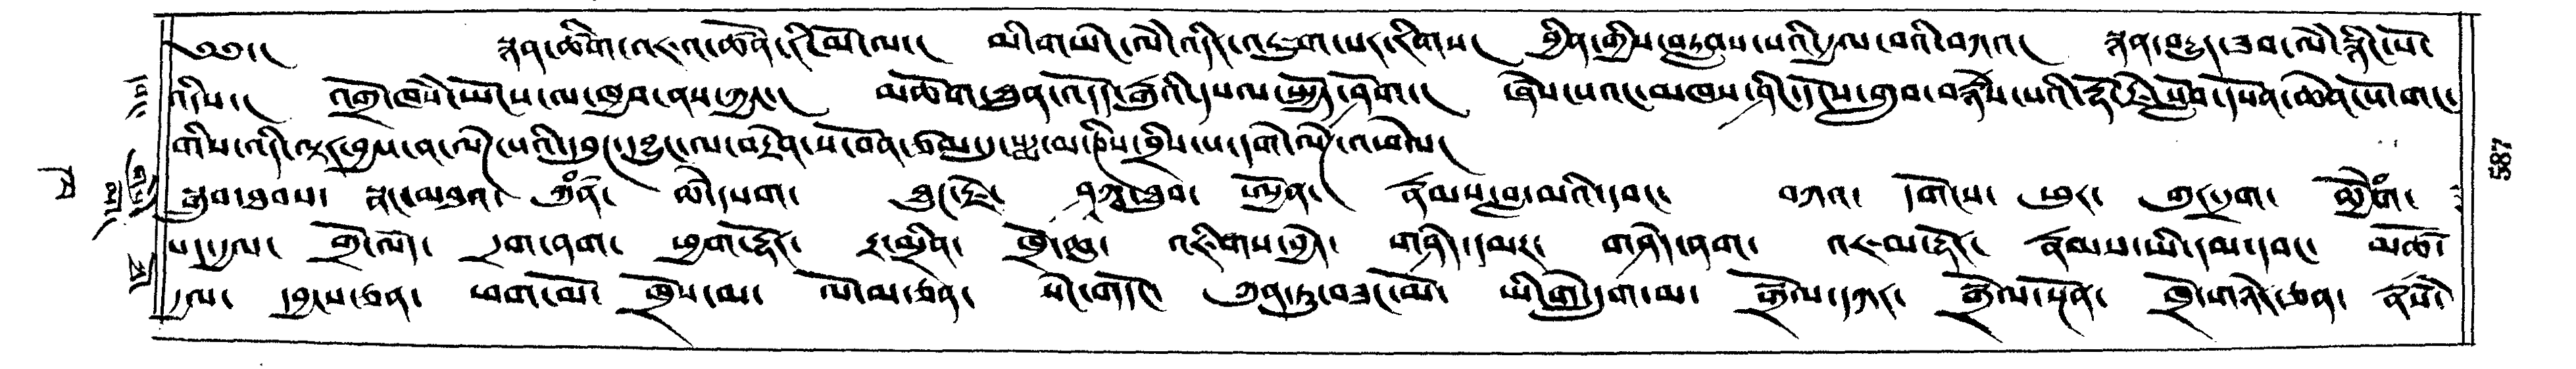།སྙན་ཚིག་འཇའ་ཚོན་རི་མོ་ལ། །མི་གཡེང་ལམ་འདིར་འཇུག་པར་རིགས། །བྱིན་གྱིས་བརླབས་པའི་རྒྱལ་བའི་བཀའ། །སྙན་བརྒྱུད་ཟབ་ལམ་སྙིང་པོ་
འདིས། །འགྲོ་ཁམས་ཡོངས་ལ་ཁྱབ་ནས་ཀྱང་། །མཆོག་ཐུན་འདོད་རྒུའི་དཔལ་སྤྱོད་ཤོག ཞེས་པའང་མཁས་ཤིང་དངོས་གྲུབ་བརྙེས་པའི་རྡོ་རྗེ་སློབ་དཔོན་ཆེན་པོ་གང་
གིས་འདི་ལྟར་བྱས་ན་ལེགས་པའི་དབུགས་དབྱུང་ལ་བརྟེན།ས་བོན་ཙམ་དུ་པདྨ་མ་ཎིས་བྲིས་པ་དགེ་ལེགས་འཔེལ།
 སྒྲུབ་ཐབས་སྣང་མཐའ། ཀུན་བཟང་། ཚེ་དཔག། ཐུགས་རྗེ། ཤཱཀྱ་ཐུབ། ཨོ་རྒྱན་རྣམས་བླ་མའི་དབང་། བཀའ། དགོངས། ཕུར། གུར་དྲག ཆེ་མཆོག 
པད་རྒྱལ། གྲོ་ལོད། དྲག་ནག ཕྱག་རྡོར། རྟ་མགྲིན། ཁྲོ་ཆུ། འཇིགས་བྱེད། གཤེད་དམར། གཤེད་ནག འཇམ་རྡོར་རྣམས་ཡི་དམ་དབང་། མཚོ་
རྒྱལ། དབྱངས་ཅན། ཕག་མོ། ཁྲོས་མ། ལོ་མ་ཅན། སེང་གདོང་། ཀུན་ཏུ་བཟང་མོ། ཡི་གེ་དྲུག་མ། སྒྲོལ་དཀར། སྒྲོལ་སྔོན། ཁྲོ་གཉེར་ཅན་རྣམས་